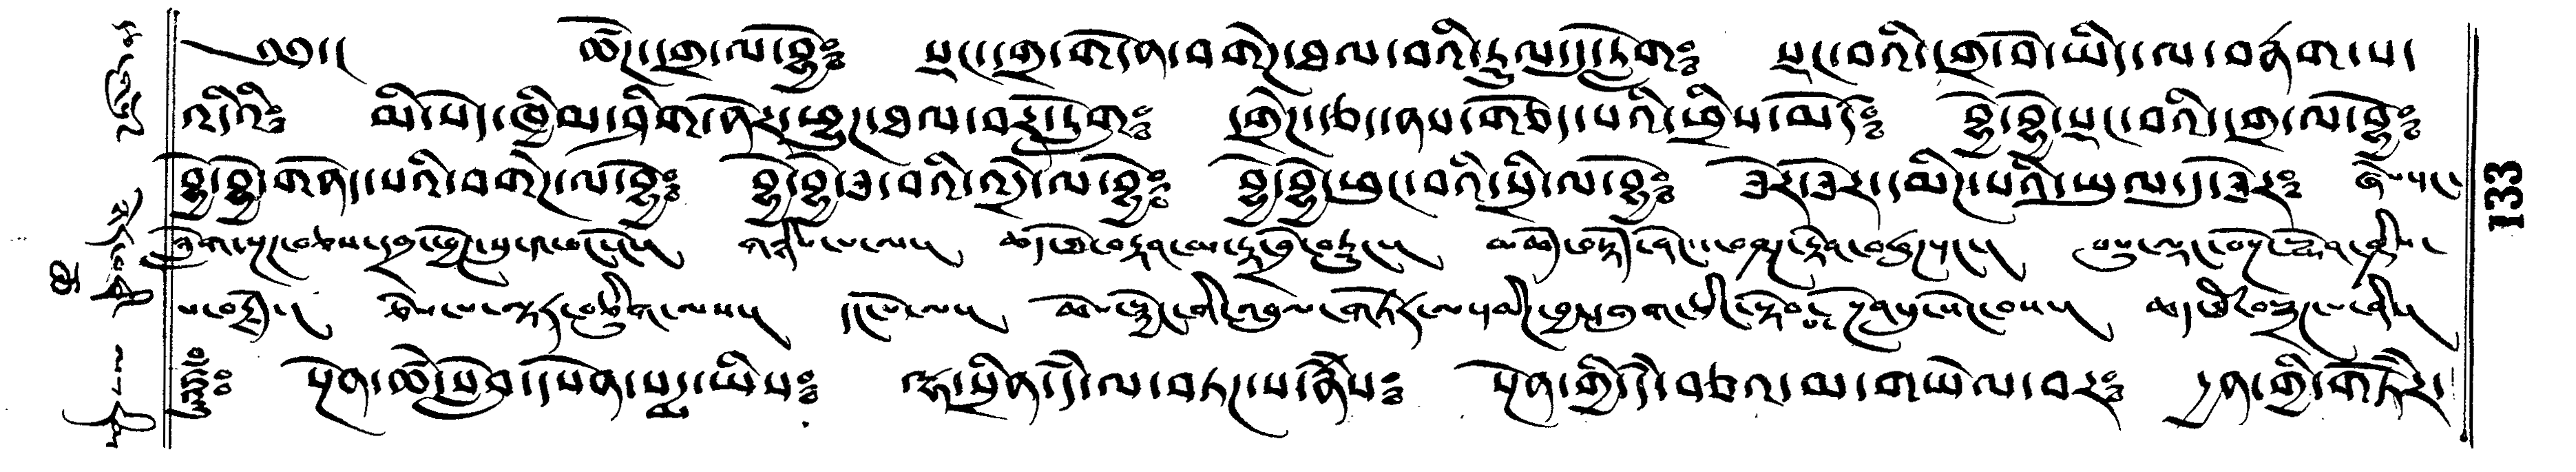ཚོགས་དགྲ་ལ་བྷྱོ༔ སྡང་དགྲ་གདོན་བགེགས་ཐལ་བའི་རྡུལ་དུ་རློག༔ སྡང་བའི་དགྲ་བོ་ཡིད་ལ་བརྣག་པ་
འདིའི༔ མི་སོད་ཁྱིམ་ཤིག་ནོར་ཕྱུགས་ཐལ་བར་རློག༔ དགྲ་བགེགས་རྩད་ནས་གཅོད་པའི་ཕྲིན་ལས་མཛོད༔ བྷྱོ་བྷྱོ་སྡང་བའི་དགྲ་ལ་བྷྱོ༔ 
བྷྱོ་བྷྱོ་གནོད་པའི་བགེགས་ལ་བྷྱོ༔ བྷྱོ་བྷྱོ་ཟ་བའི་འདྲེ་ལ་བྷྱོ༔ བྷྱོ་བྷྱོ་ཕུང་བའི་སྲི་ལ་བྷྱོ༔ ཟོར་ཟོར་དམིགས་པའི་ཡུལ་དུ་ཟོར༔ ཞེས་དང་
ཟློག་སྔགས་བཅས་དགྲ་ཕྱོགས་སུ་དང་འཕང་ངོ་། གཉིས་པ་ལ། ཆད་ཐོ་བརྟན་མ་རྟ་བྲོ་བརྡུང་། །མཆོད་བསྟོད་ནོངས་བཤགས་རྟེན་བཞུགས་དང་། །བསྡུ་ལྡང་བསྔོ་སྨོན་ཤིས་
པ་བརྗོད། ཅེས་པ་ལྟར་བཅུ་གཅིག་ལས། དང་པོ་ལ། ཆོས་སྐྱོང་གི་འབུལ་གཏོར་ལ་དམིགས་བྱ་དགུག་ཅིང་སྟོབ་པ་སྔོན་དུ་སོང་བས། ཆད་ཐོ་བསྒྲགས་པ་ནི། 
ཧཱུྃ༔ སྔོན་ཚེ་སློབ་དཔོན་པདྨ་ཡིས༔ ལྷ་སྲིན་དམ་ལ་བཏགས་པ་རྣམས༔ སྔོན་གྱི་དམ་བཅའ་མ་གཡེལ་བར༔ རྒྱན་གྱི་གཏོར་མ་